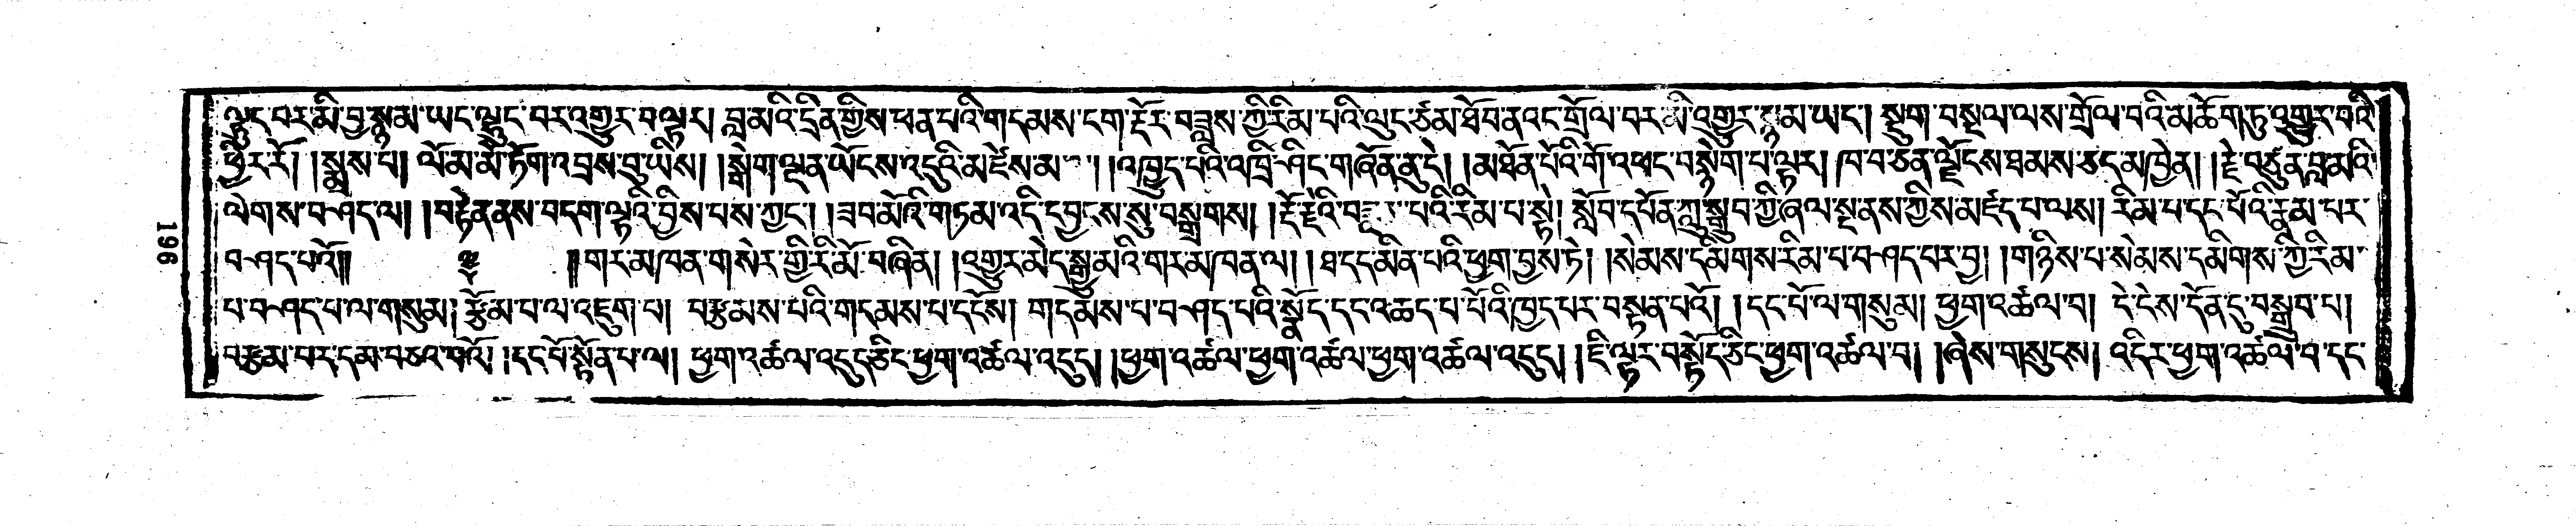ལྟུང་བར་མི་བྱ་སྙམ་ཡང་ལྷུང་བར་འགྱུར་བ་ལྟར། བླ་མའི་དྲིན་གྱིས་ཕན་པའི་གདམས་ངག་རྡོར་བཟླས་ཀྱི་རིམ་པའི་ལུང་ཙམ་ཐོབ་ནའང་གྲོལ་བར་མི་འགྱུར་སྙམ་ཡང་། སྡུག་བསྔལ་ལས་གྲོལ་བའི་མཆོག་ཏུ་འགྱུར་བའི་
ཕྱིར་རོ། །སྨྲས་པ། ལོ་མ་མེ་ཏོག་འབྲས་བུ་ཡིས། །སྒེག་ལྡན་ཡོངས་འདུའི་མཛེས་མ་ལ། །འཁྱུད་པའི་འཁྲི་ཤིང་གཞོན་ནུ་དེ། །མཐོན་པོའི་གོ་འཕང་བསྙེག་པ་ལྟར། ཁ་བ་ཅན་ལྗོངས་ཐམས་ཅད་མཁྱེན། །རྗེ་བཙུན་བླ་མའི་
ལེགས་བཤད་ལ། །བརྟེན་ནས་བདག་ལྟའི་བྱིས་པས་ཀྱང་། །ཟབ་མོའི་གཏམ་འདི་དབྱངས་སུ་བསྒྲགས། །རྡོ་རྗེའི་བཟླས་པའི་རིམ་པ་སྟེ། སློབ་དཔོན་ཀླུ་སྒྲུབ་ཀྱི་ཞལ་སྔ་ནས་ཀྱིས་མཛད་པ་ལས། རིམ་པ་དང་པོའི་རྣམ་པར་
བཤད་པའོ།། ༈ །།གར་མཁན་གསེར་གྱི་རི་མོ་བཞིན། །འགྱུར་མེད་སྒྱུ་མའི་གར་མཁན་ལ། །ཐ་དད་མིན་པའི་ཕྱག་བྱས་ཏེ། །སེམས་དམིགས་རིམ་པ་བཤད་པར་བྱ། །གཉིས་པ་སེམས་དམིགས་ཀྱི་རིམ་
པ་བཤད་པ་ལ་གསུམ། རྩོམ་པ་ལ་འཇུག་པ། བརྩམས་པའི་གདམས་པ་དངོས། གདམས་པ་བཤད་པའི་སྣོད་དང་འཆད་པ་པོའི་ཁྱད་པར་བསྟན་པའོ། །དང་པོ་ལ་གསུམ། ཕྱག་འཚལ་བ། དེ་ངེས་དོན་དུ་བསྒྲུབ་པ།
བརྩམ་པར་དམ་བཅའ་བའོ། །དང་པོ་སྟོན་པ་ལ། ཕྱག་འཚལ་འདུད་ཅིང་ཕྱག་འཚལ་འདུད། །ཕྱག་འཚལ་ཕྱག་འཚལ་ཕྱག་འཚལ་འདུད། །ཇི་ལྟར་བསྟོད་ཅིང་ཕྱག་འཚལ་བ། །ཞེས་གསུངས། འདིར་ཕྱག་འཚལ་བ་དང་